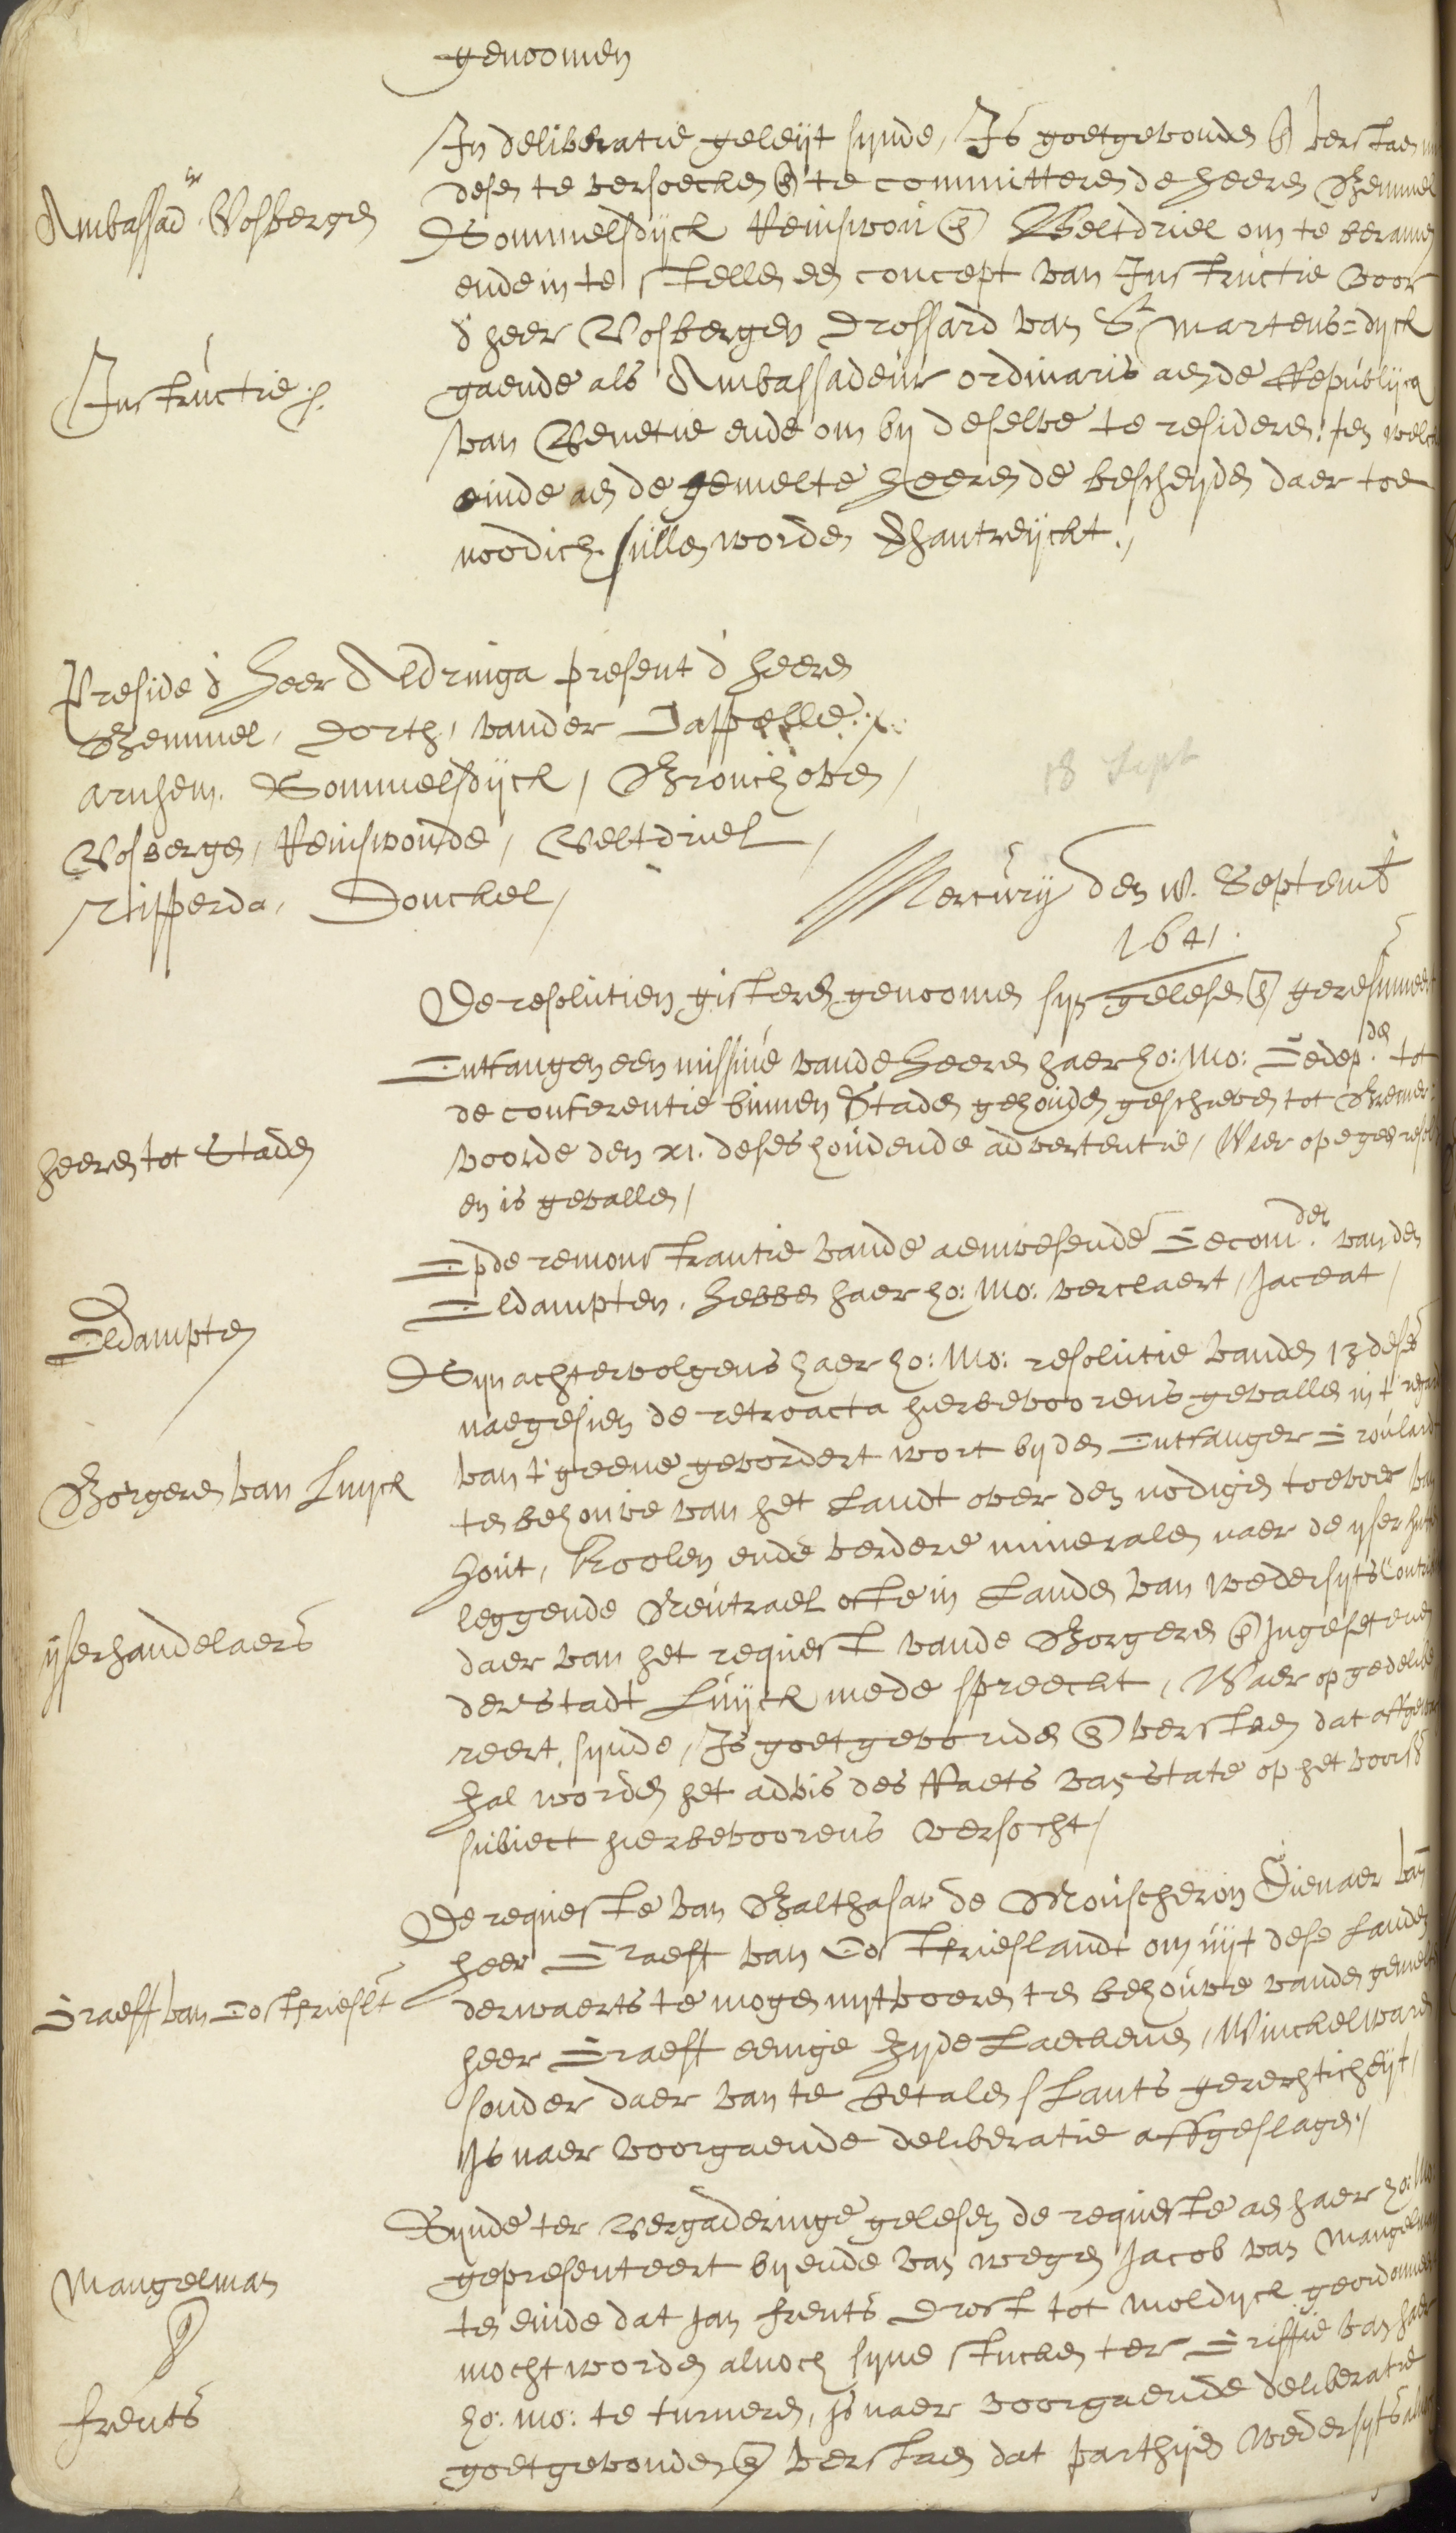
genoomen
Ambassadr. Vosbergen
Instructie.s.
In deliberatie geleijt synde, Is goetgevonden & verstaen mi
desen te versoecken & te committeren de heeren Bemmel
Sommelsdijck Reinswou & Veltdriel om te beramen
ende in te stellen een concept van Instructie voor
d'heer Vosbergen Drossard van St. Martens=dyck
gaende als Ambassadeur ordinaris aende Republijcq
van Venetie ende om by deselve te resideren ten welck
einde aen de gemelte heeren de bescheyden daer toe
noodich sullen worden vhantreijckt.
18 Sept
Mercurij den 18. Septemb
1641.
Preside d'Heer Aldringa present d'heeren
Bemmel, Dorth, vander Cappelle,
Arnhem, Sommelsdijck, Brouchoven,
Vosbergen, Reinswoude, Veltdriel,
Ripperda, Donckel.
De resolutien gisteren genoomen syn gelesen & geresume
heeren tot Staden
Ontfangen een missiue vande heeren haer ho:Mo: Gedepden. tot
de conferentie binnen Staden gehouden geschreven tot Bremen
voorde den xi. deses houdende advertentie. Waer op egeen resol
en is gevallen.
Oldampten
Opde remonstrantie vande aenwesende Gecomden. van den
Oldampten, hebben haer ho:Mo: verclaert, Jaceat
Borgeren van Luyck
ijserhandelaers
Sijn achtervolgens haer ho:Mo: resolutie vanden 13 deses
naegesien de retroacta hierbevoorens gevallen in t‛rega
van t'geene gevordert wort by den Ontfanger Groulic
ten behouve van het Landt over den nodigen toevoer van
hout, Koolen ende verdere mineralen naer de ijserha
leggende Neutrael ofte in Landen van wedersyts Conte
daer van het request vande Borgeren & Ingesetenen
der stadt Luijck mede spreeckt. Waer op gedelibe„
reert synde, Is goetgevonden & verstaen dat affgesr
zal worden het advis des Raets van State op het voors
subject hierbevoorens, versocht.
Graeff van Oostfrieslt
De requeste van Balthasar de Mouscheron Dienaer van
heer Graeff van Oostfrieslandt om uijt dese Landen
derwaerts te mogen uytvoeren ten behouve vanden gemelte
heer Graeff eenige zyde Laeckenen, Winckelwaren
sonder daer van te betalen sLants gerechticheijt,
Is naer voorgaende deliberatie affgeslagen.
Mangelman
Ca.
Frents
Synde ter Vergaderinge gelesen de requeste aen haer ho:Mo:
gepresenteert by ende van wegen Jacob van Mangelman
ten einde dat Jan frents Drost tot moldyck geordonneert
mocht worden alnoch syne stucken ter Griffie van haer
ho:Mo: te furneren, Is naer voorgaende deliberatie
goetgevonden & verstaen dat parthijen wedersyts al
